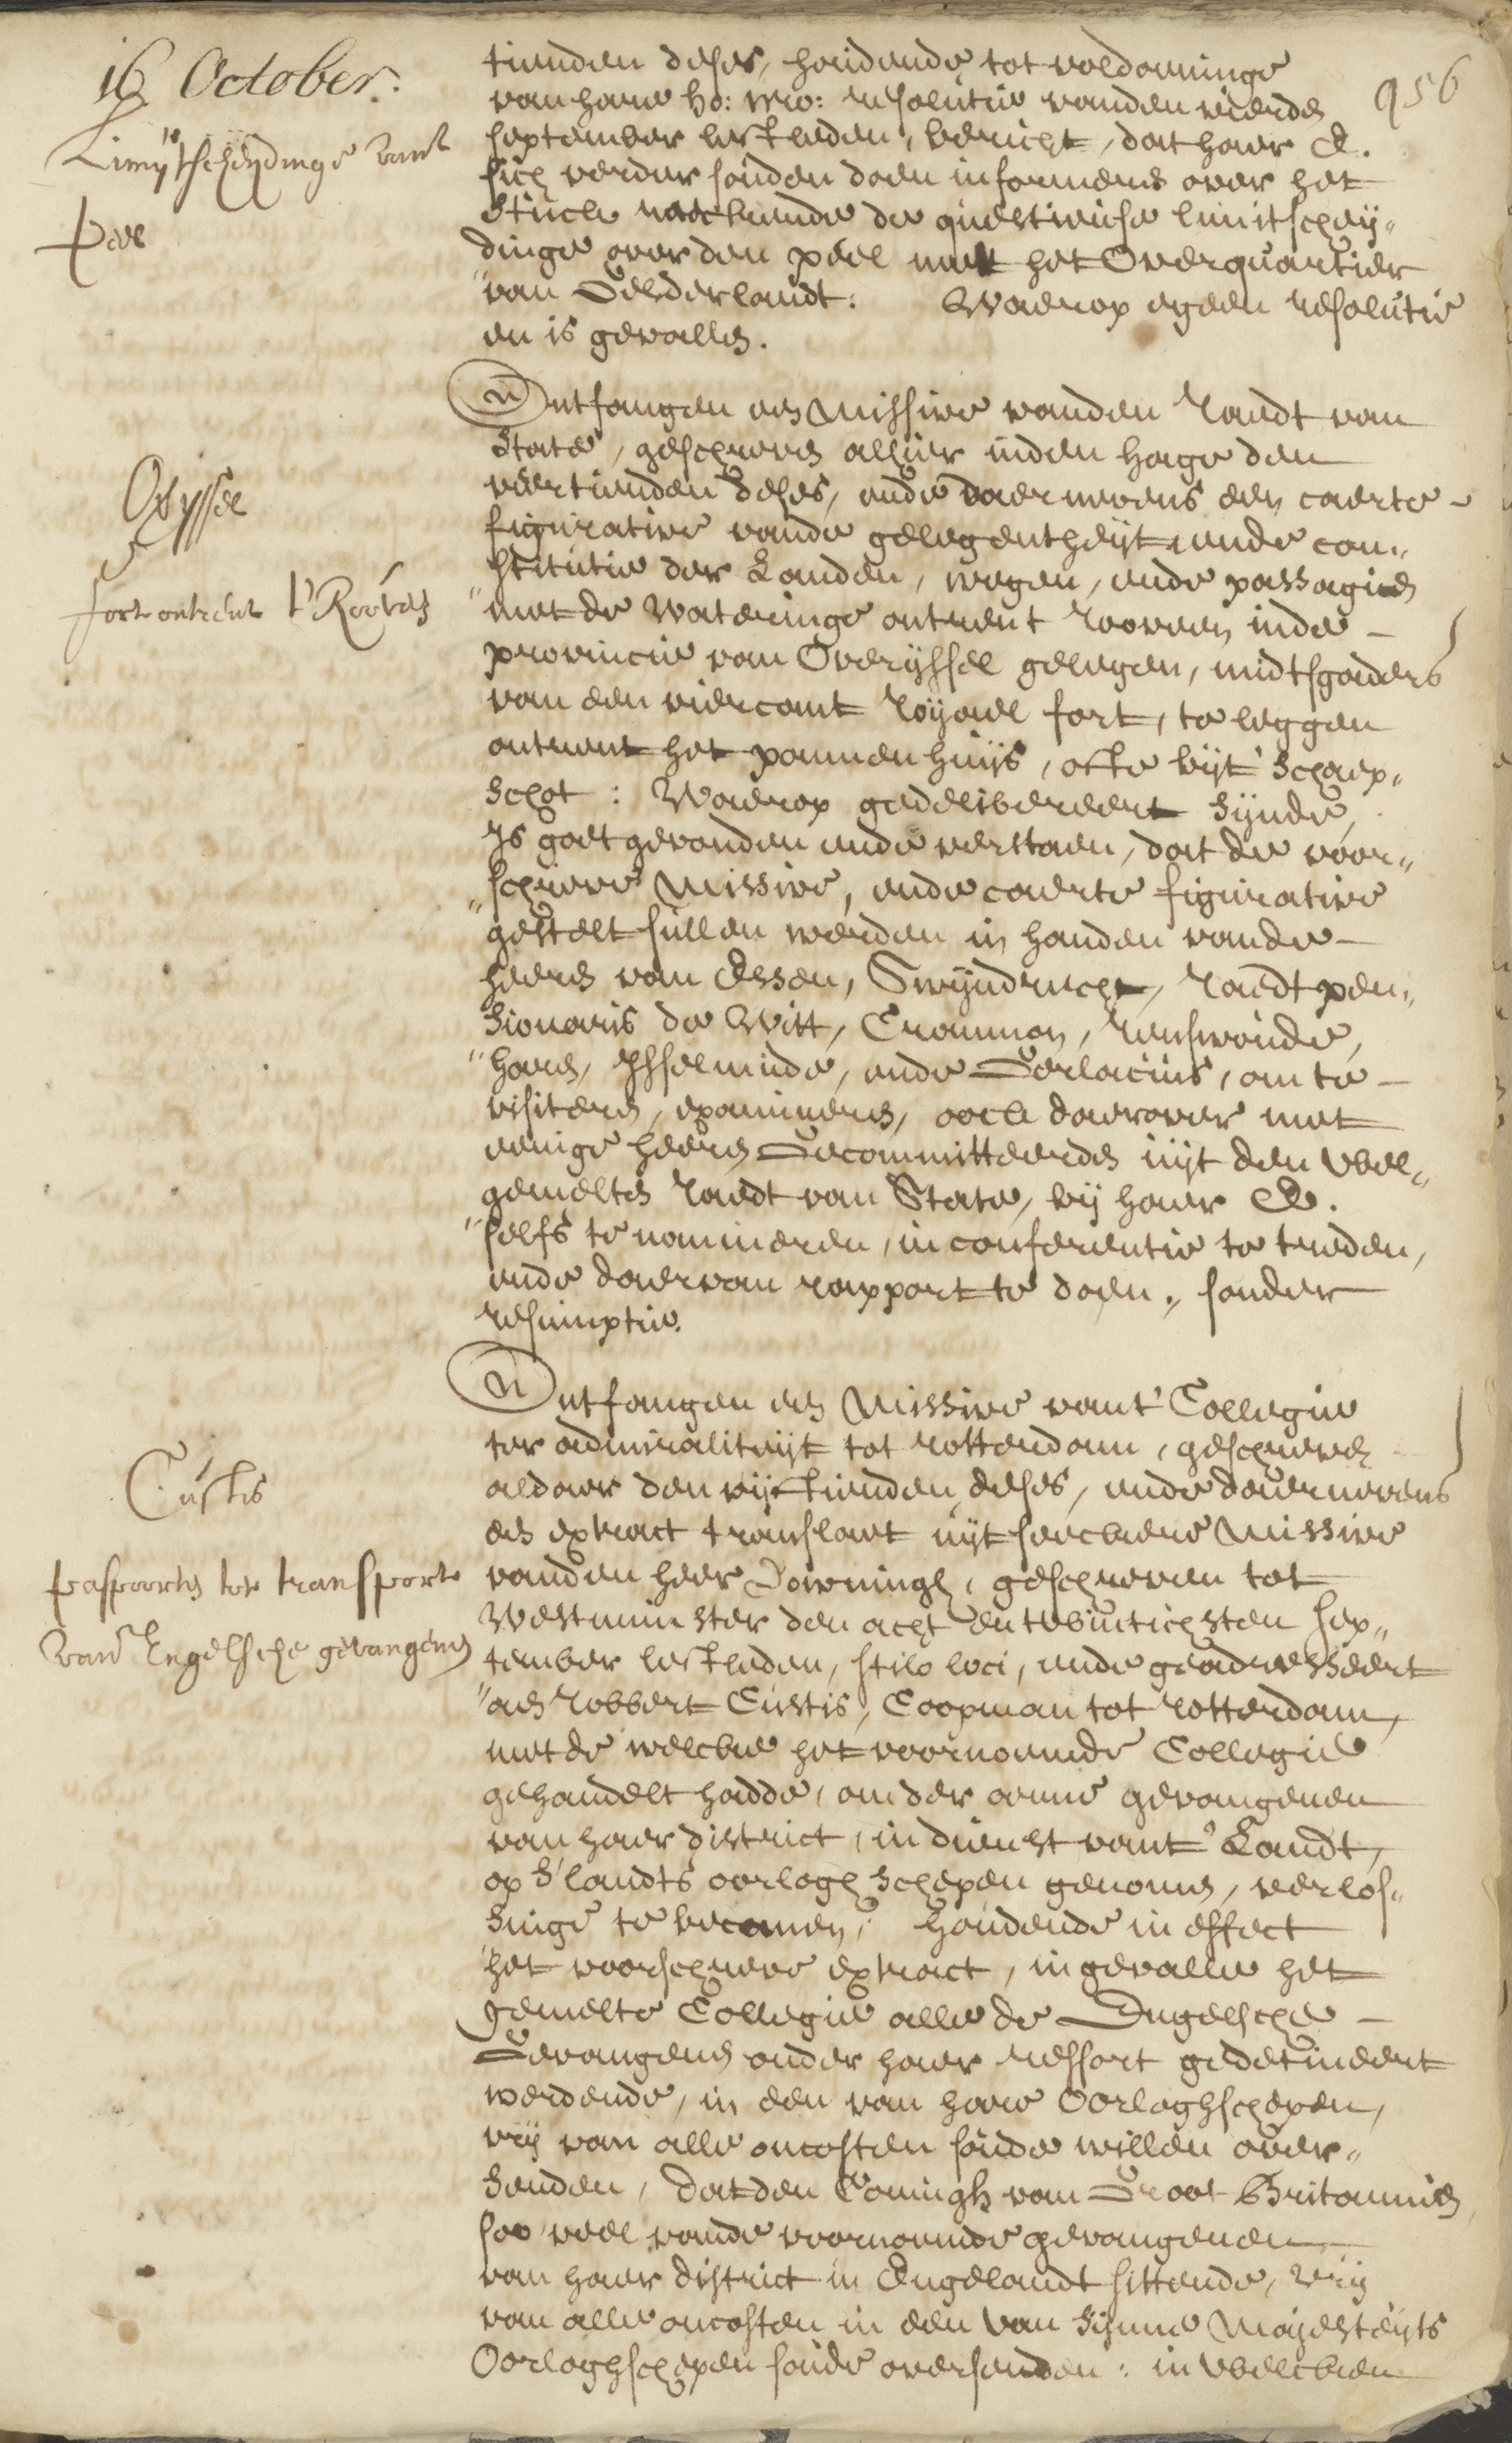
456
16 October.
Limijtscheydinge van
Peel
tienden deses, houdende tot voldoeninge
van hare Ho:Mo: resolutie vanden vierden
september lestleden, bericht, dat haer E.
sich verder souden doen informeren over het
stuck raeckende de questieuse limitscheij„
„dinge over den peel met het Overquartier
van Gelderlandt: Waerop egeen resolutie
en is gevallen.
Ovyssel
fort ontrent t'Rooveen
Ontfangen een Missive vanden Raedt van
State, geschreven alhier inden hage den
veertienden deses, ende daernevens een caerte
figurative vande gelegentheijt, ende con„
„stitutie der Landen, wegen, ende passagien
met de wateringe ontrent Rooveen inde —
provincie van Overijssel gelegen, midtsgaders
van een viercant Roijael fort, te leggen
ontrent het pannenhuijs, ofte bijt‛ Schaep,,
schot: Waerop gedelibereert sijnde,
Is goetgevonden ende verstaen, dat de voor„
„schreve Missive, ende caerte figurative
gestelt sullen werden in handen vande —
heeren van Essen, Swijndrecht, Raedtpen„,
„sionaris de Witt, Crommon, Renswoude,
haren, Isselmude, ende Gerlacius, om te —
visiteren, examineren, oock daerover met
eenige heeren Gecommitteerden uijt den wel„
„gemelten Raedt van State, bij haer E.
selfs te nomineren, in conferentie te treden,
ende daervan rapport te doen, sonder
resumptie.
Custis
paspoorten tot transport
van Engelsche gevangenen
Ontfangen een Missive vant' Collegie
ter admiraliteijt tot rotterdam, geschreven
aldaer den vijftienden deses, ende daernevens
een extract translaet uijt seeckere Missive
vanden heer Downingh, geschreven tot
Westmunster den acht entwintichsten Sep„
„tember lestleden, stilo loci, ende geadresseert
aen Robbert Custis, Coopman tot Rotterdam,
met de welcke het voornoemde Collegie
gehandelt hadde, om der arme gevangenen
van haer district, in dienst vant‛ Landt,
op s'landts oorlogh schepen genomen, verlos,,
„singe te becomen; houdende in effect
het voorschreve extract, ingevalle het
gemelte Collegie alle de Engelsche —
Gevangenen onder haer ressort gedetineert
werdende, in een van hare Oorloghschepen,
vrij van alle oncosten soude willen over„
senden, dat den Coningh van Groot Britannien
soo veel vande vernoemde gevangenen
van haer district in Engelandt sittende, vrij
van alle oncosten in een van Sijnne Majesteijts
Oorloghschepen soude oversenden: in welcken
